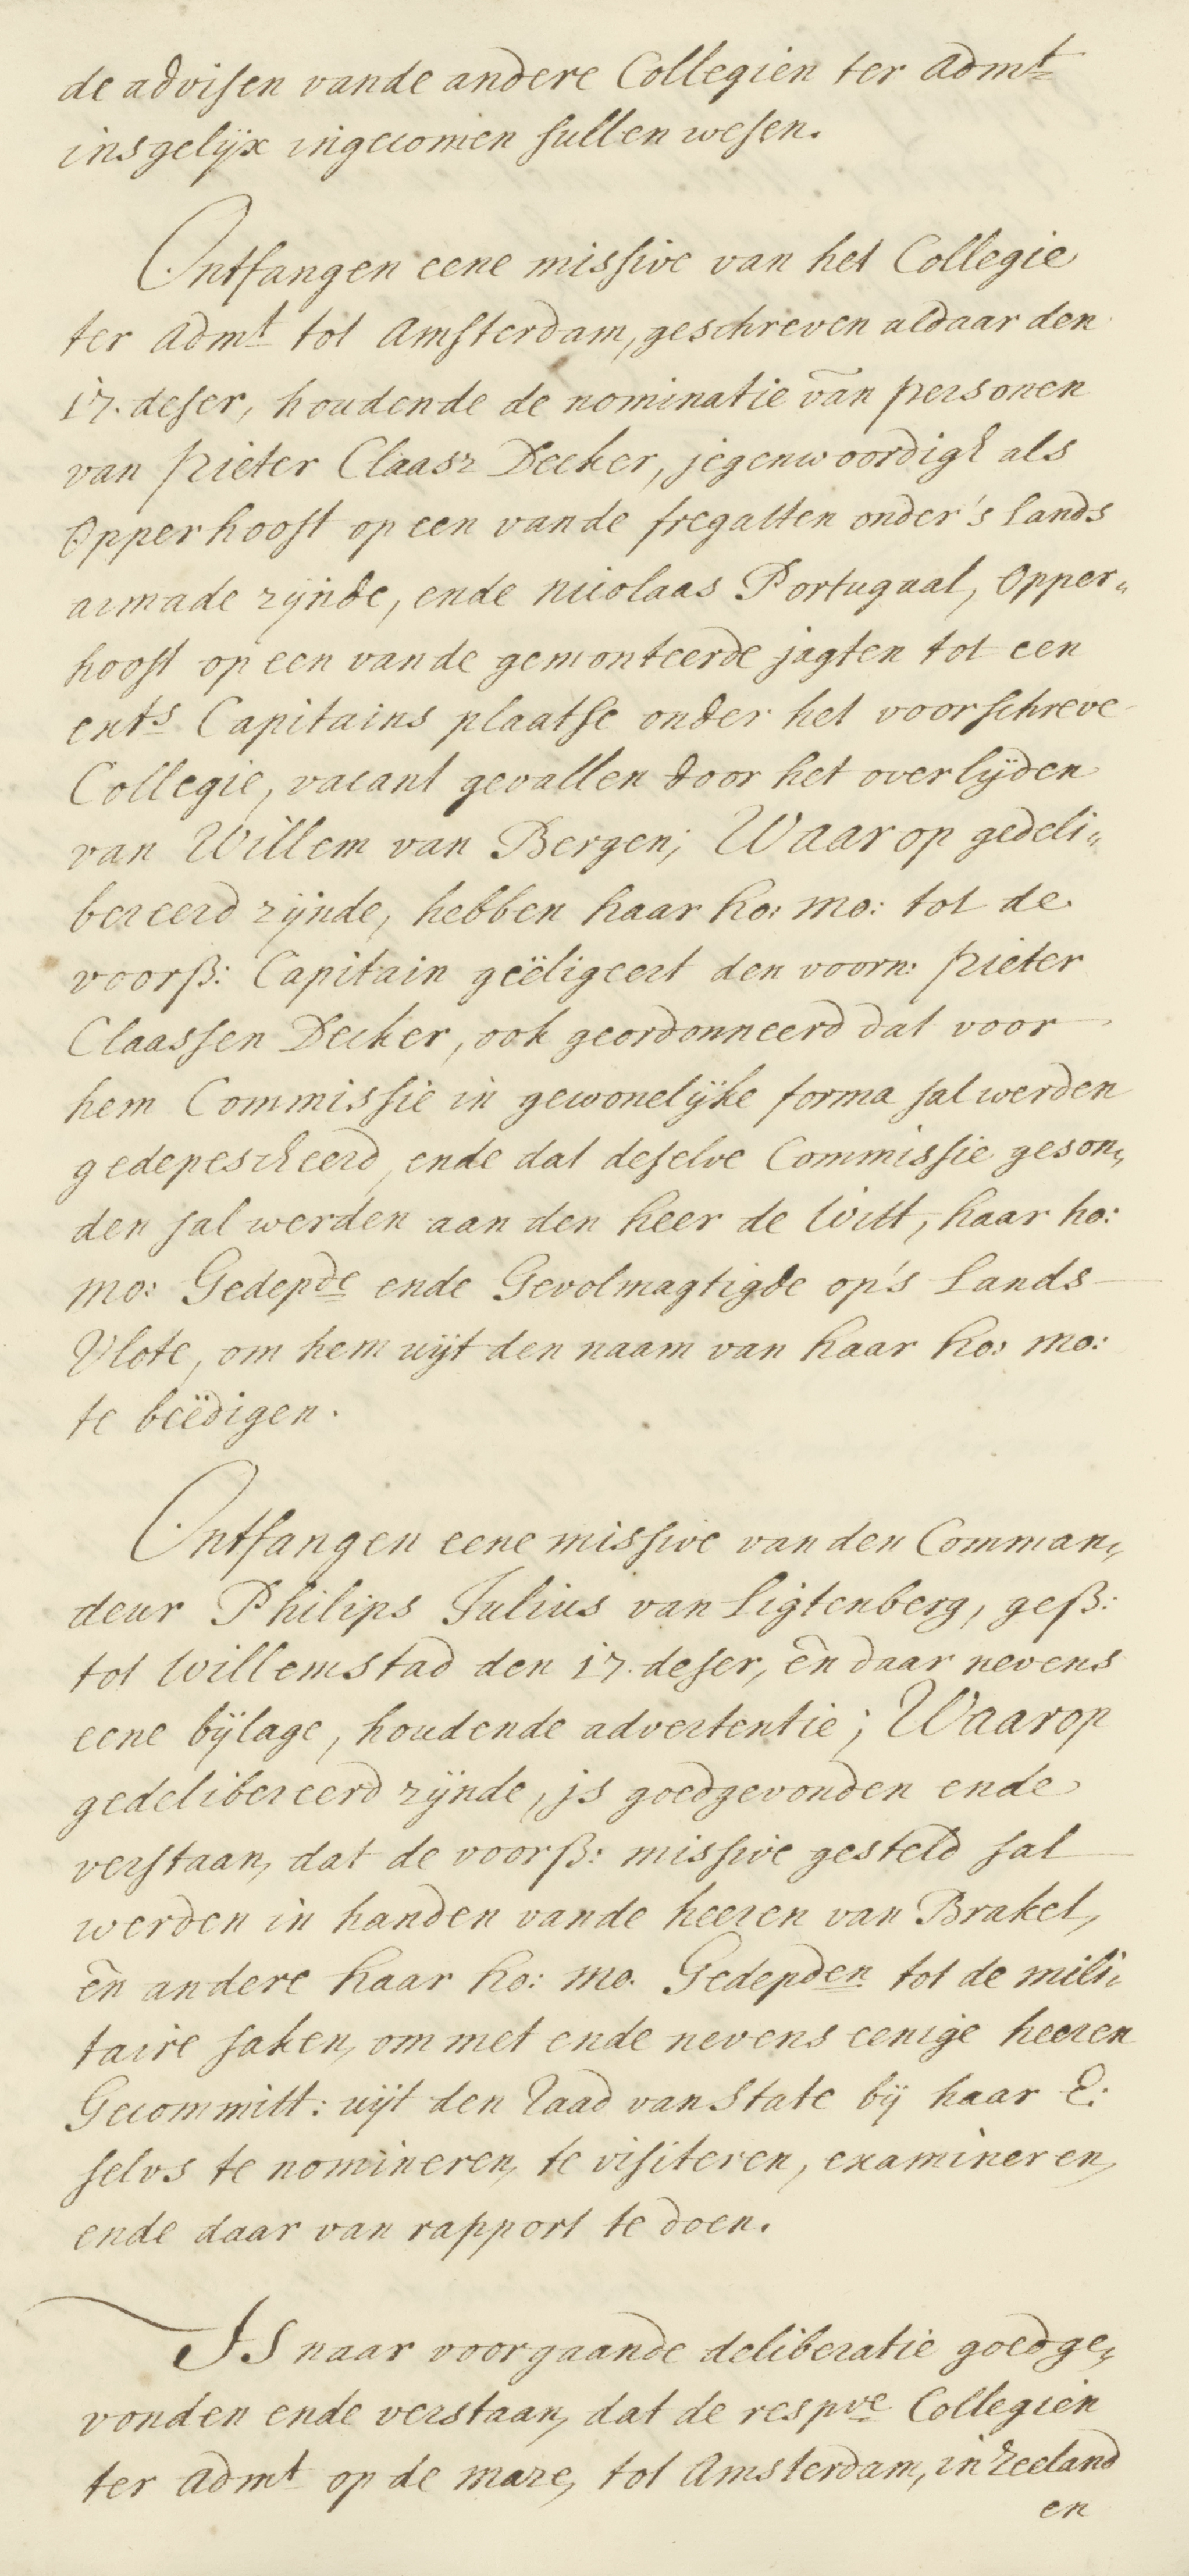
de advisen vande andere Collegien ter Admt.
insgelijx ingecomen sullen wesen.
Ontfangen eene missive van het Collegie
ter Admt. tot Amsterdam, geschreven aldaar den
17. deser, houdende de nominatie van personen
van Pieter Claasz Decker, jegenwoordigh als
opperhooft op een van de fregatten onder 's lands
armade zijnde, ende nicolaas Portugaal, Opper„
hooft op een van de gemonteerde jagten tot een
exts. Capitains plaatse onder het voorschreve
Collegie, vacant gevallen door het overlijden
van Willem van Bergen; Waarop gedeli„
bereerd zijnde, hebben haar Ho:Mo: tot de
voors: Capitain geëligeert den voorn: Pieter
Claassen Decker, ook geordonneerd dat voor
hem Commissie in gewonelijke forma sal werden
gedepescheerd, ende dat deselve commissie geson„
den sal werden aan den heer de Witt, haar ho:
mo: Gedepde ende Gevolmagtigde op's Lands
Vlote, om hem uijt den naam van haar ho:mo:
te beëdigen.
Ontfangen eene missive van den Comman„
deur Philips Julius van Ligtenberg, ges:
tot Willemstad den 17. deser, en daar nevens
eene bijlage, houdende advertentie; Waarop
gedelibereerd zijnde, is goedgevonden ende
verstaan, dat de voors: missive gesteld sal
werden in handen van de heeren van Brakel,
en andere haar ho:mo: Gedepden tot de mili,,
taire saken, om met ende nevens eenige heeren
Gecommitt: uijt den Raad van State bij haar E.
selve te nomineren, te visiteren, examineren,
ende daar van rapport te doen.
Is naar voorgaande deliberatie goedge,,
vonden ende verstaan, dat de respve Collegien
ter Admt op de Maze, tot Amsterdam, in Zeeland
en
